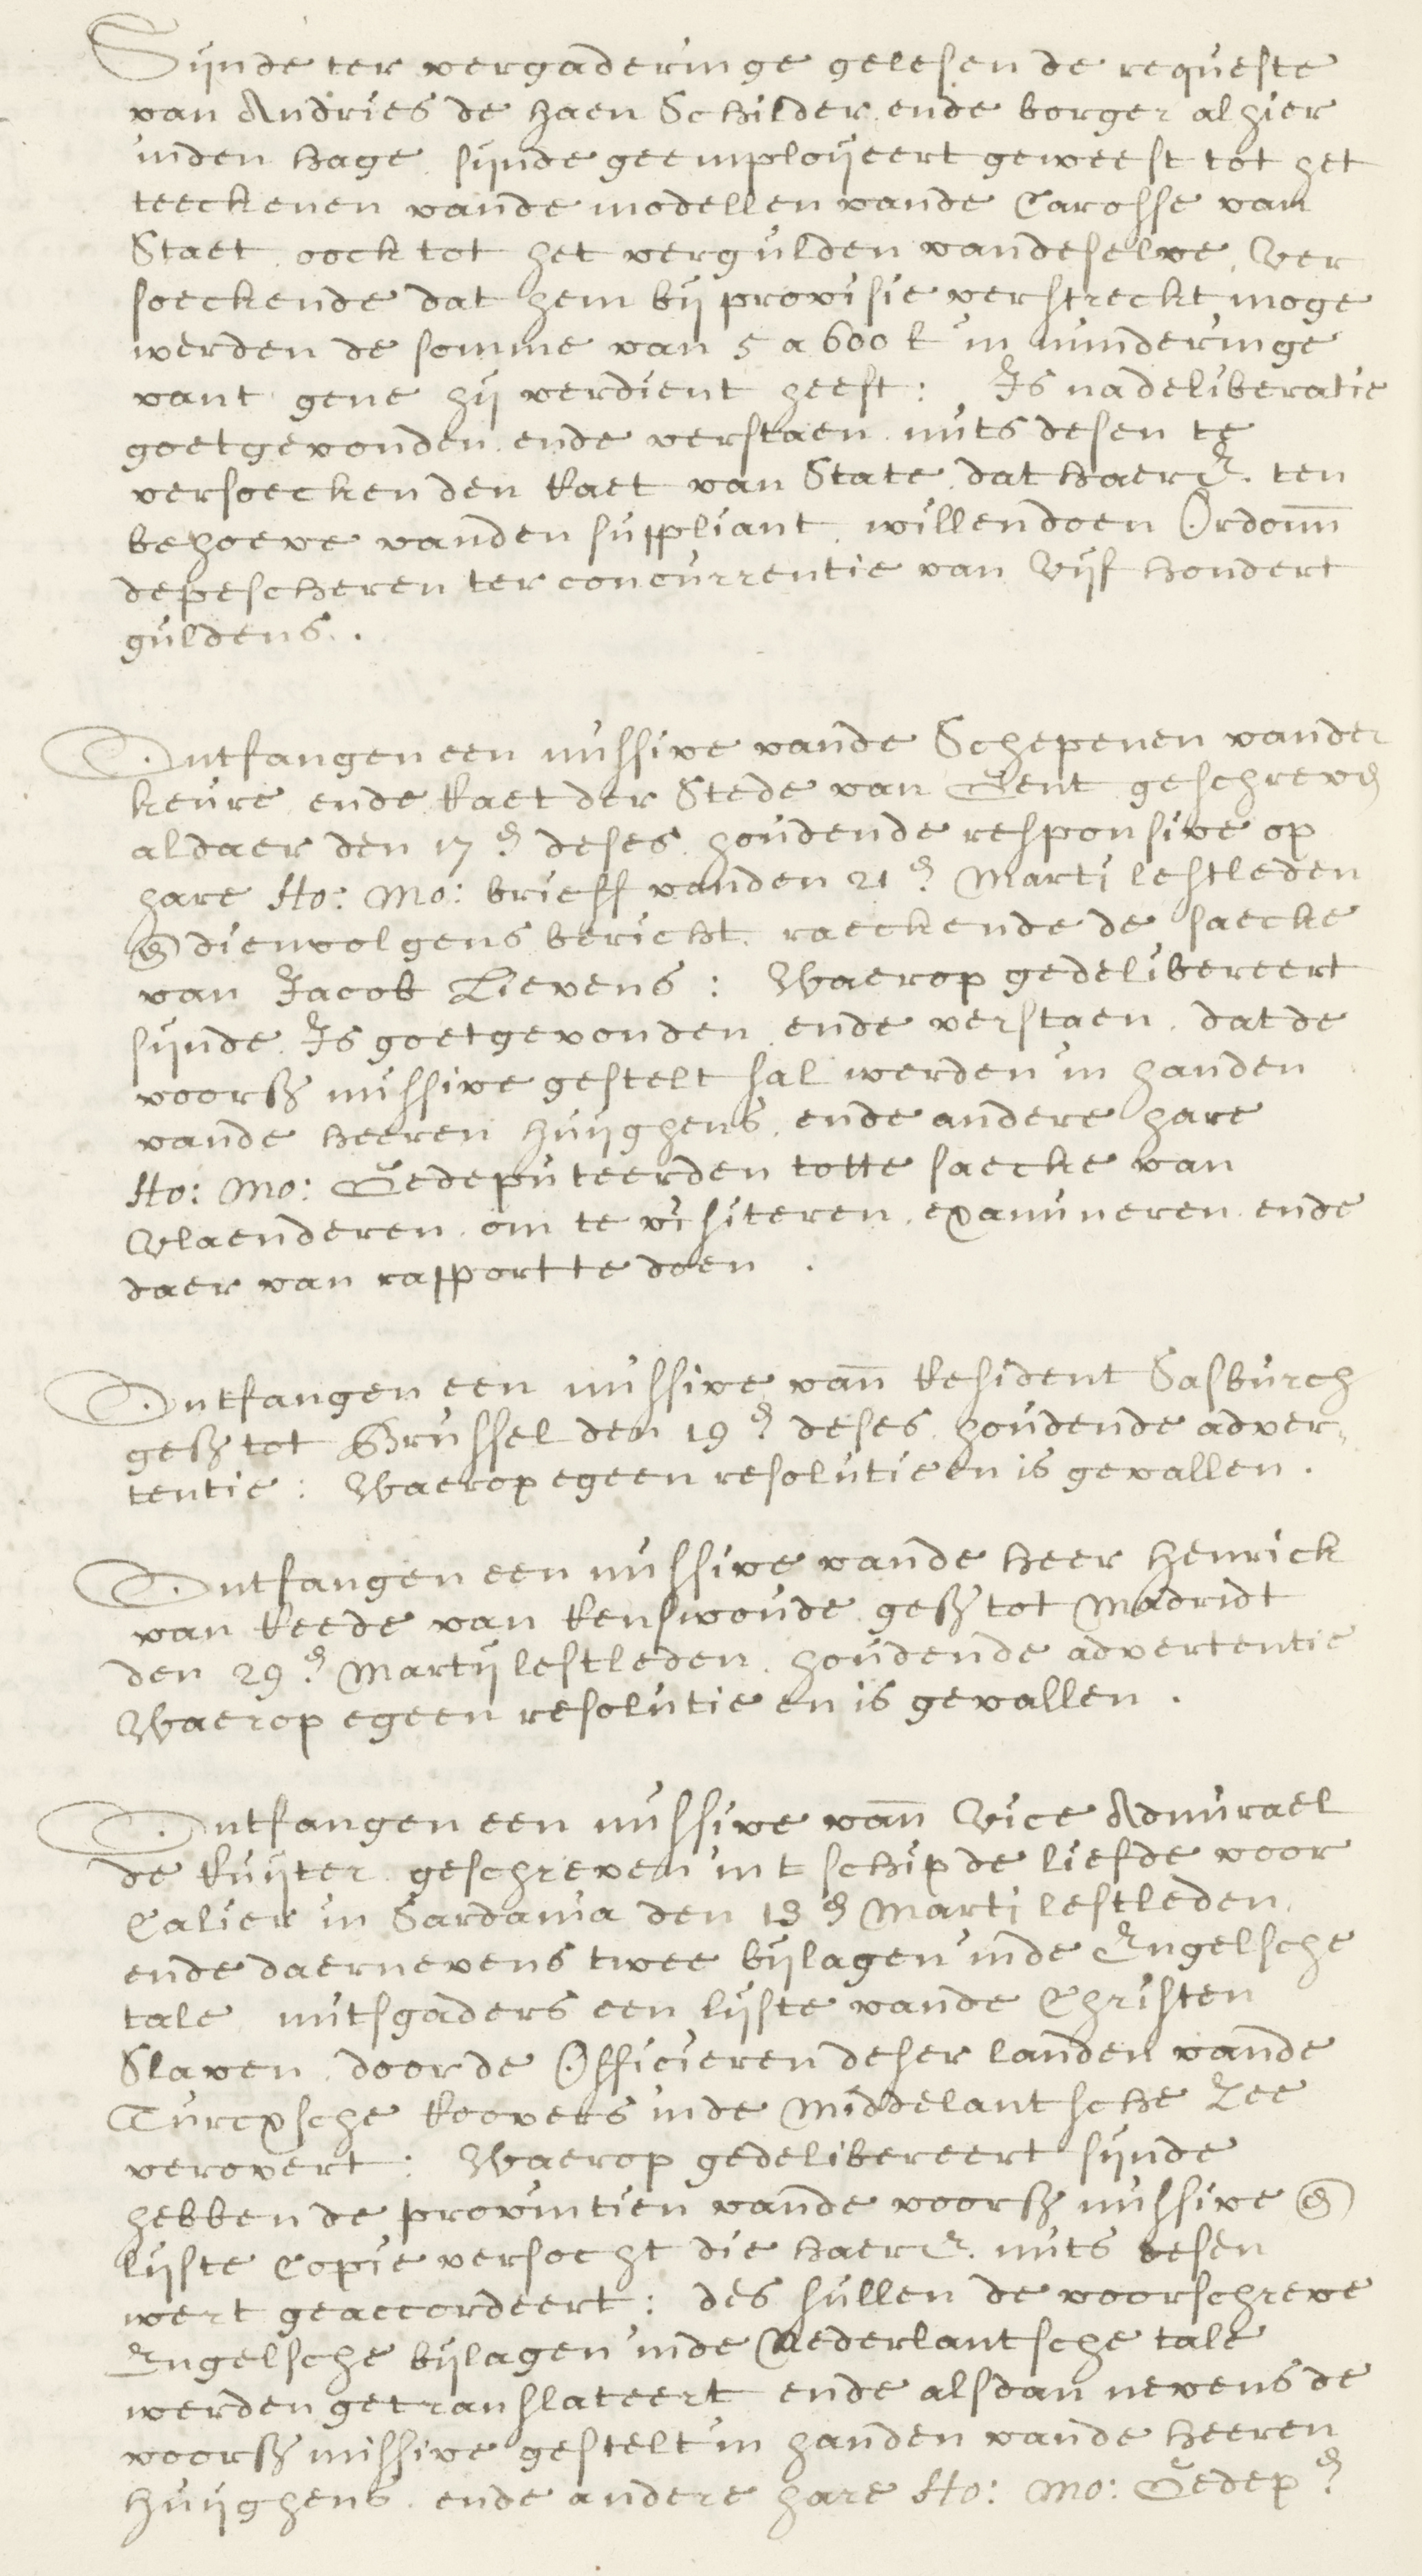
Sijnde ter vergaderinge gelesen de requeste
van Andries de haen Schilder ende borger alhier
inden hage, sijnde geemploijeert geweest tot het
teeckenen vande modellen vande Carosse van
Staet, oock tot het vergulden van deselve, ver
soeckende dat hem bij provisie verstreckt moge
werden de somme van 5 a 600 L in minderinge
vant gene hij verdient heeft: Is na deliberatie
goetgevonden, ende verstaen, mits desen te
versoecken den Raet van State dat haer E. ten
behoeve vanden suppliant, willen doen Ordonn
depescheren ter concurrentie van vijf hondert
guldens.
Ontfangen een missive vande Schepenen vander
keure, ende Raet der Stede van Gent geschreven
aldaer den 17en. deses, houdende responsive op
hare Ho:Mo: brieff vanden 21en. Marti lestleden
& dienvolgens bericht, raeckende de saecke
van Jacob Lievens: Waerop gedelibereert
sijnde, Is goetgevonden, ende verstaen, dat de
voors missive gestelt sal werden in handen
vande heeren huijghens, ende andere hare
Ho:Mo: Gedeputeerden totte saecke van
Vlaenderen, om te visiteren, examineren, ende
daer van rapport te doen.
Ontfangen een missive van Resident Sasburch
ges tot Brussel de 19en deses, houdende adver,,
tentie: Waerop egeen resolutie en is gevallen.
Ontfangen een missive vande heer henrick
van Reede van Renswoude ges tot madridt
den 29en. Martij lestleden, houdende advertentie
Waerop egeen resolutie en is gevallen.
Ontfangen een missive van Vice Admirael
de Ruijter, geschreven int schip de liefde voor
Calier in Sardania den 13en marti lestleden,
ende daernevens twee bijlagen in de Engelsche
tale mitsgaders een lijste vande Christen
Slaven, door de Officieren deser landen vande
Turcxsche Roovers inde middelantsche Zee
verovert: Waerop gedelibereert sijnde
hebben de provintien vande voors missive &
lijste copie versocht die haer E. mits desen
wert geaccordeert: des sullen de voorschreve
Engelsche bijlagen inde Nederlantsche tale
werden getranslateert ende alsdan nevens de
voors missive gestelt in handen van de heeren
Huijghens, ende andere hare Ho:Mo: Gedepen.
